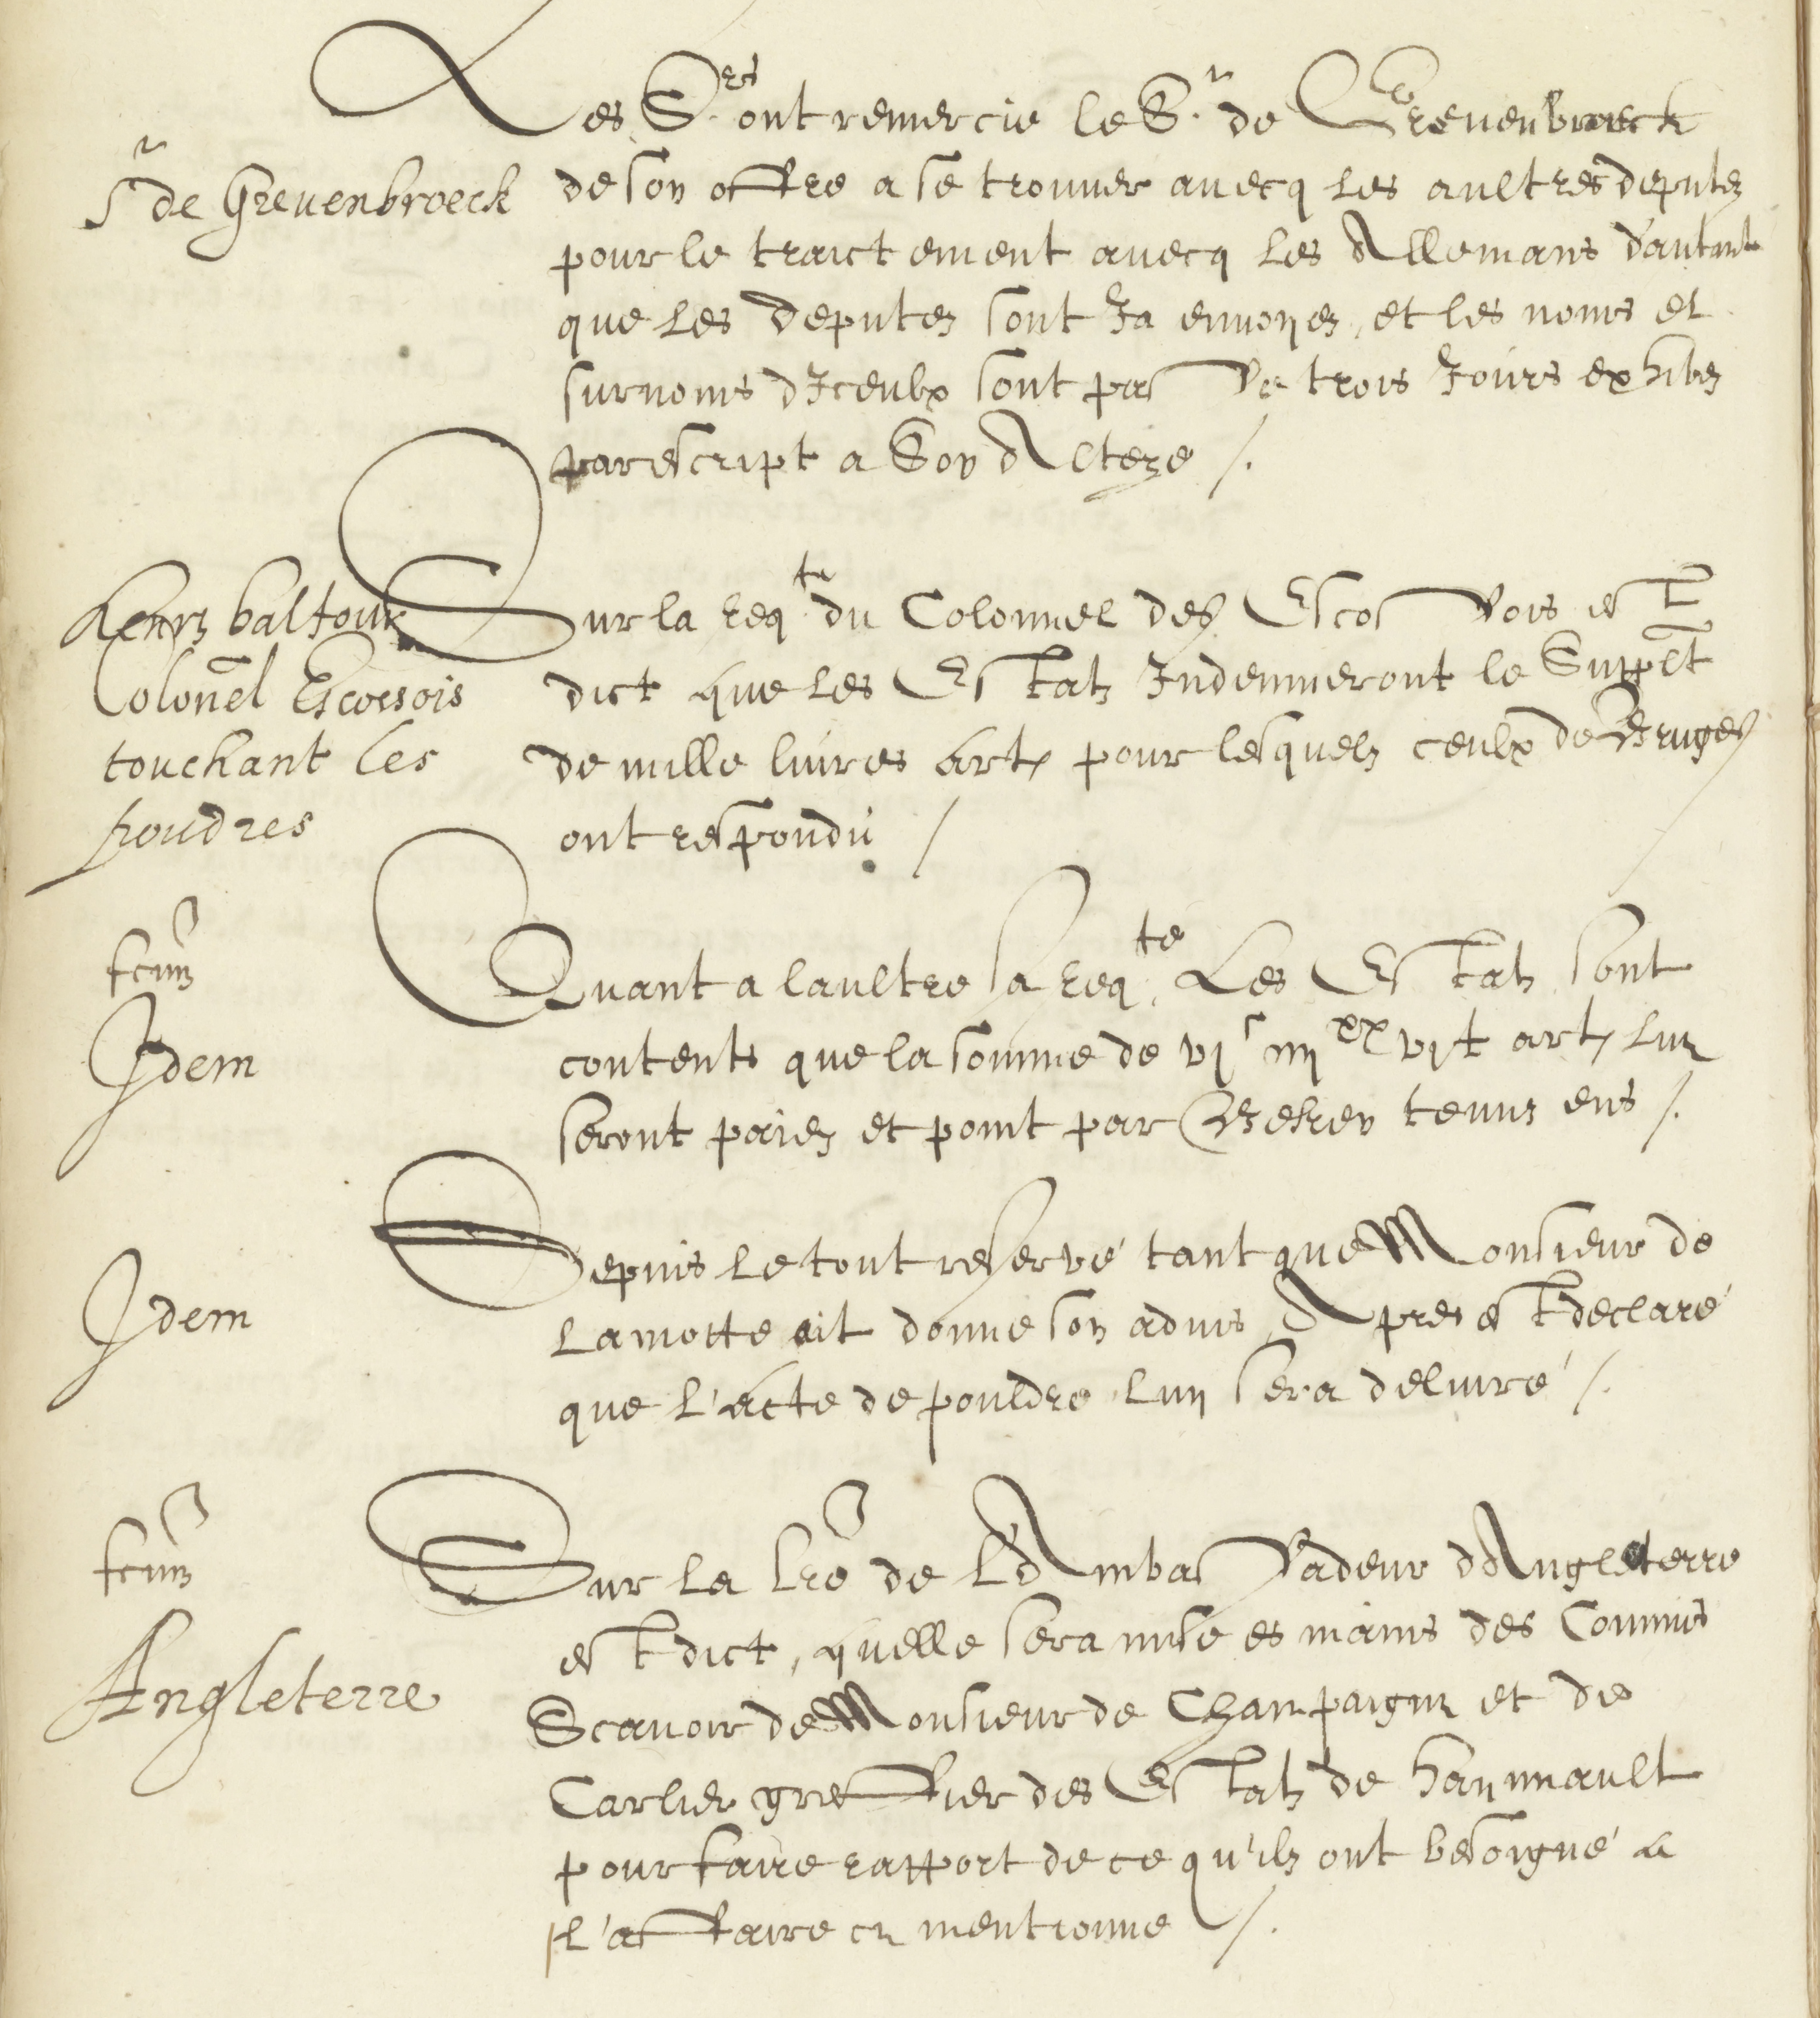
Les Srs ont remercie le Sr de Grevenbroeck
de son offre a se trouver avecq les aultres deputez
pour le traictement avecq les Allemans d'autant
que les deputez sont ja envoyez et les noms et
surnoms diceulx sont passe trois jours exhibez
par escript a Son Alteze.
Sr de Grevenbroeck
Henry Balfour
Colonnel Escossois
touchant les
poudres
Sur la reqte du Colonnel des Escossois est
dict que les Estatz indemneront le Supplt
de mille livres arth pour lesquelz ceulx de Bruges
ont respondu.
fcum
Idem
Quant a laultre la reqte les Estatz sont
content que la somme de vic iiiixx vi l. arth lui
seront paiez et point par Beken tenuz eus.
Idem
Depuis le tout reserve tant que Monsieur de
Lamotte ait donne son advis apres est declaré
que L'acte de pouldre luy sera delivré.
fcum
Angleterre
Sur la Lre de l'Ambassadeur dAngleterre
est dict, quelle sera mise es mains des commis
scavoir de Monsieur de Champaigny et de
Carlier greffier des Estatz de Haynnault
pour faire rapport de ce qu'ils ont besoigné a
l'affaire cy mentionne.
